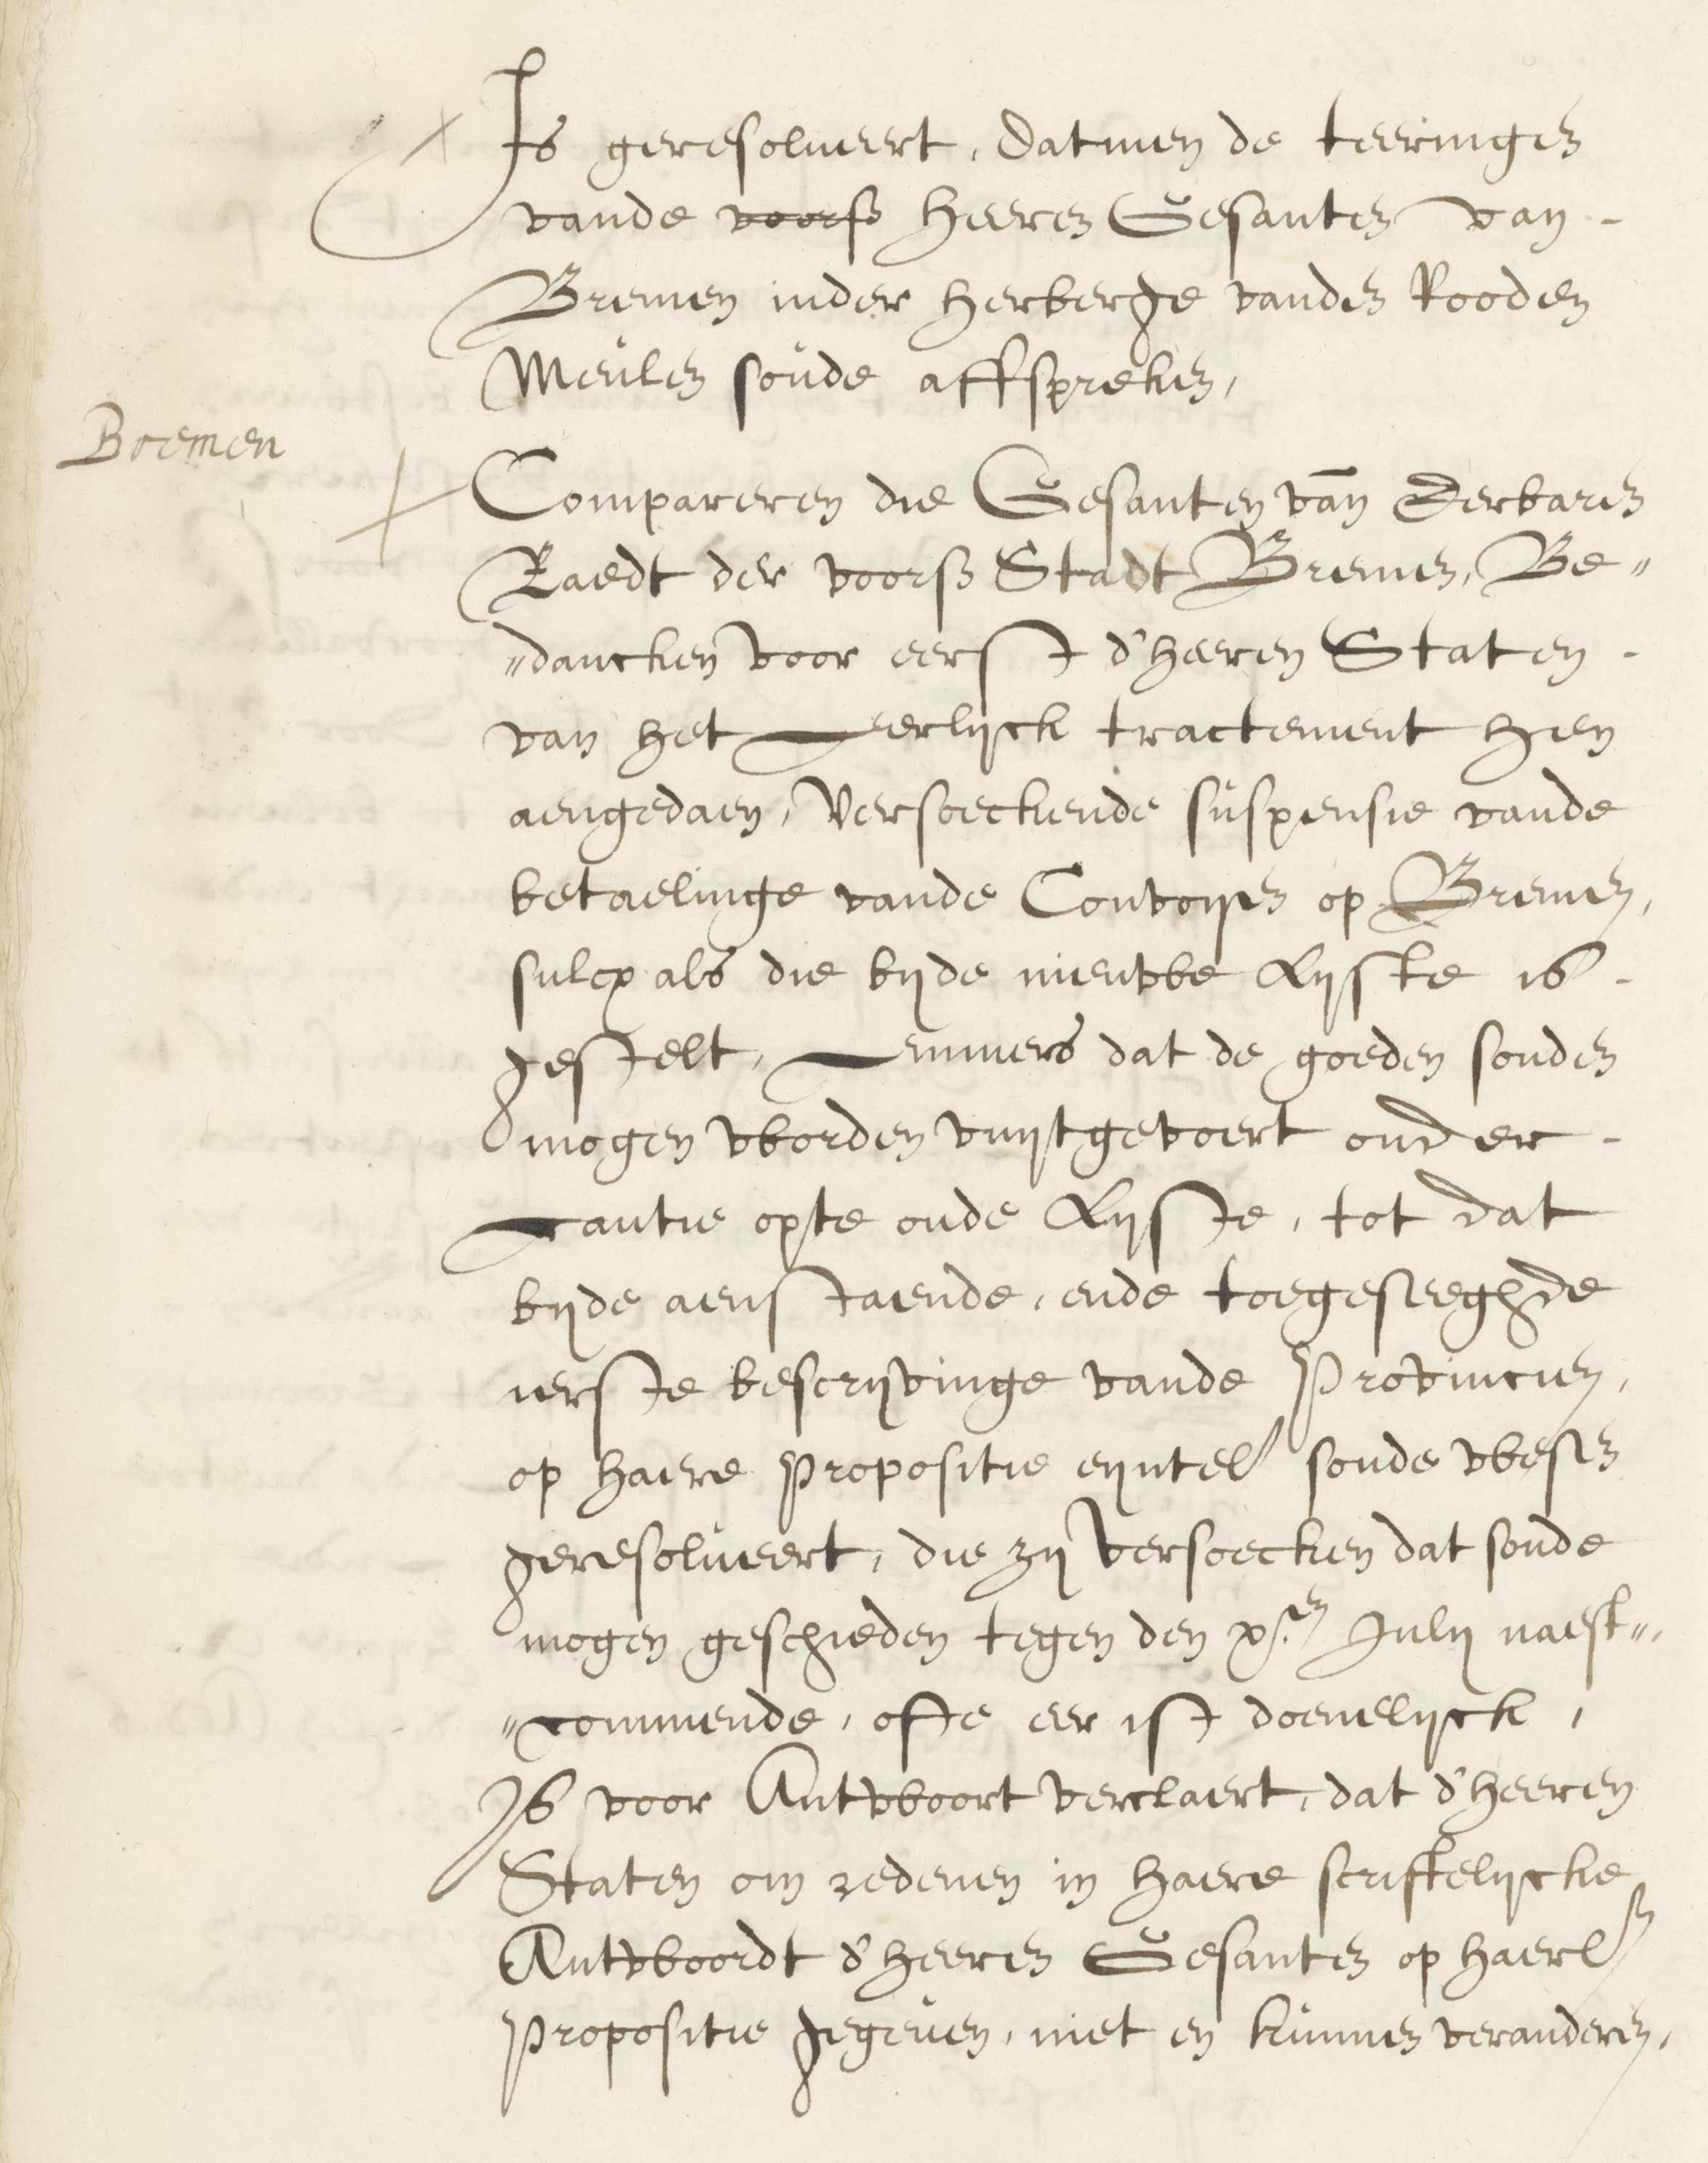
Is geresolueert, datmen de teeringen
vande voors heeren Gesanten van
Bremen inder herberge vanden Rooden
Meulen soude affspreken.
Bremen
Compareren die Gesanten van Eerbaren
Raedt der voors Stadt Bremen, Be„
„dancken voor eerst d‛haeren Staten
van het eerlyck tractement hen
aengedaen, Versoeckende suspensie vande
betaelinge vande Convoyen op Bremen,
sulcx als die byde nieuwe Lyste is
gestelt, emmers dat de goeden souden
mogen worden vuytgevoert onder
causie opte oude Lyste, tot dat
byde aenstaende, ende toegeseeghde
ierste bescryvinge vande Provincien,
op haere propositie eyntel soude wesen
geresolueert, die zy versoecken dat soude
mogen geschieden tegen den xen. July naest„
„commende, ofte eer ist doenelyck,
Is voor Antwoort verclaert, dat d‛heeren
Staten om redenen in haere scriftelycke
Antwoordt d‛heeren Gesanten op haerl
propositie gegeuen, niet en kunnen veranderen,
